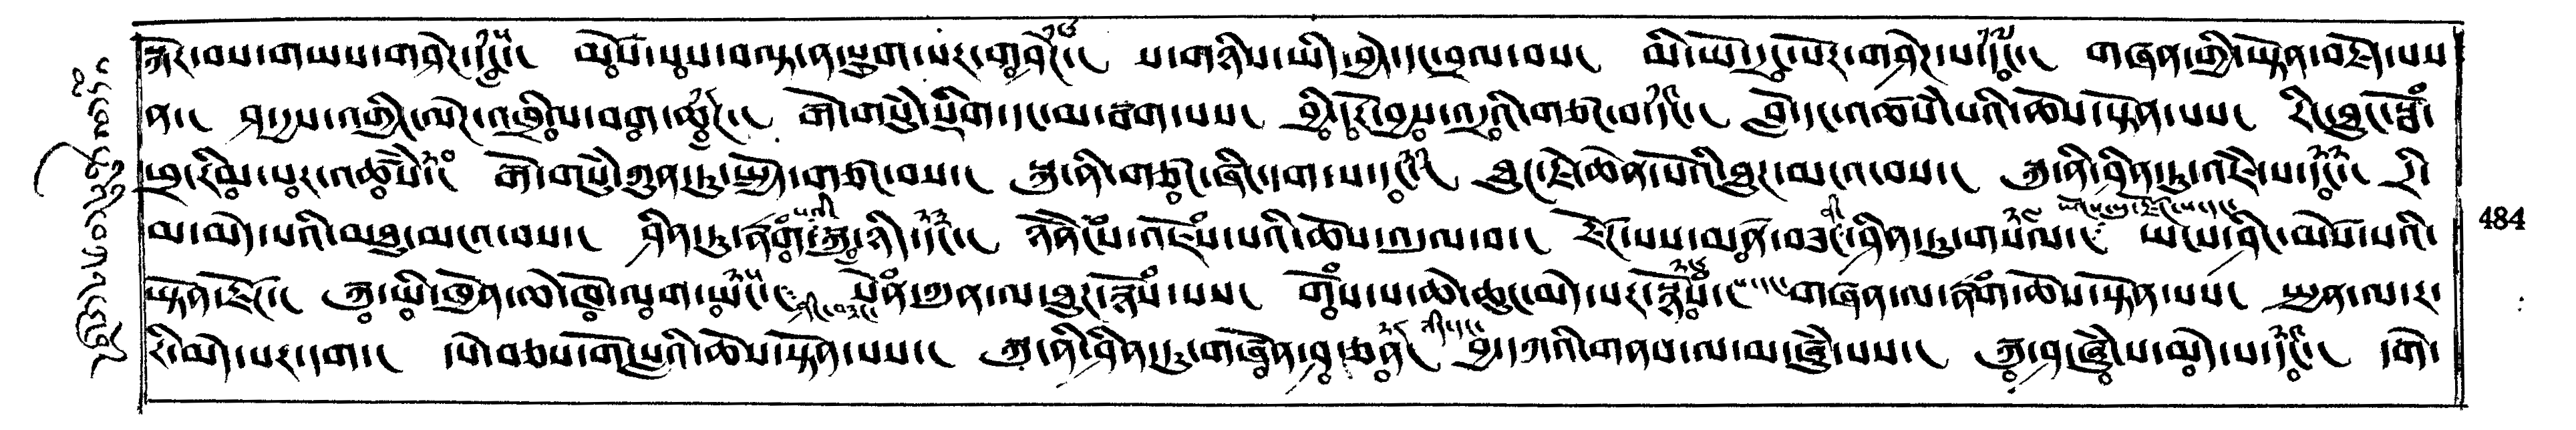སྐོར་བས་གཡས་གཤེགས་དང་། །མཛེས་པས་བལྟ་ན་སྡུག་པར་གཤེགས། །ས་གཉིས་ཡིད་བྱེད་དང་བྲལ་བས། །མི་ཡོ་དྲང་པོར་གཤེགས་པ་དང་། །གཞན་གྱི་ཡོན་ཏན་བརྗོད་པས་
ན། །ཤ་རྒྱས་འགྱིང་ལེགས་འཁྲིལ་བག་ཆགས། །སྒོ་གསུམ་སྡིག་དང་མ་སྦག་པས། །བྱི་དོར་བྱས་འདྲའི་གཙང་བ་དང་། །བློ་དང་འཚམས་པའི་ཆོས་སྟོན་པས། །རིང་ཐུང་སྦོམ་
ཕྲ་རིམ་པར་འཚམ། །སྒོ་གསུམ་ཀུན་ཏུ་སྤྱོད་གཙང་བས། །སྐུ་ནི་གཙང་ཞིང་དག་པ་དང་། །ཐུགས་རྗེ་ཆེན་པོའི་ཐུགས་མངའ་བས། །སྐུ་ནི་ཤིན་ཏུ་འཇམ་པ་དང་། །དྲི་
མ་མཻད་པའི་མཐུ་མངའ་བས། །ཤིན་ཏུ་རྣམ་དག་པའི་སྐུ་ཉིད་དང་། །ཉོན་མོངས་འཇོམས་པའི་ཆོས་འདུལ་བ། །རྫོགས་པས་མཚན་བཟང་ནི་ཤིན་ཏུ་གསལ།། ཡོངས་སུ་རྫོགས་པ་དང་། ཡངས་ཤིང་མཛེས་པའི་
ཡོན་ཏན་རྫོགས། །སྐུ་ཡི་ཁྱོན་ཆེ་ཁོ་ལག་ཡང་། ཤིང་བཟང་། སེམས་ཅན་ཀུན་ལ་ཐུགས་སྙོམས་པས། །གོམ་པ་ཆེ་ཆུང་མེད་པར་སྙོམས།།པ་དང་། གཞན་ལ་རྣམ་དག་ཆོས་སྟོན་པས། །སྤྱན་ལ་ར་
རི་མེད་པར་དག །དཔེ་བཅས་གོ་སླའི་ཆོས་སྟོན་པས། །སྐུ་ནི་ཤིན་ཏུ་གཞོན་ཤ་ཅན།། ཉིད་དང་། བྱ་དཀའི་གནས་ལ་མ་ཞུམ་པས། །སྐུ་ཤ་ཞུམ་པ་མེད་པ་དང་། །དགེ་